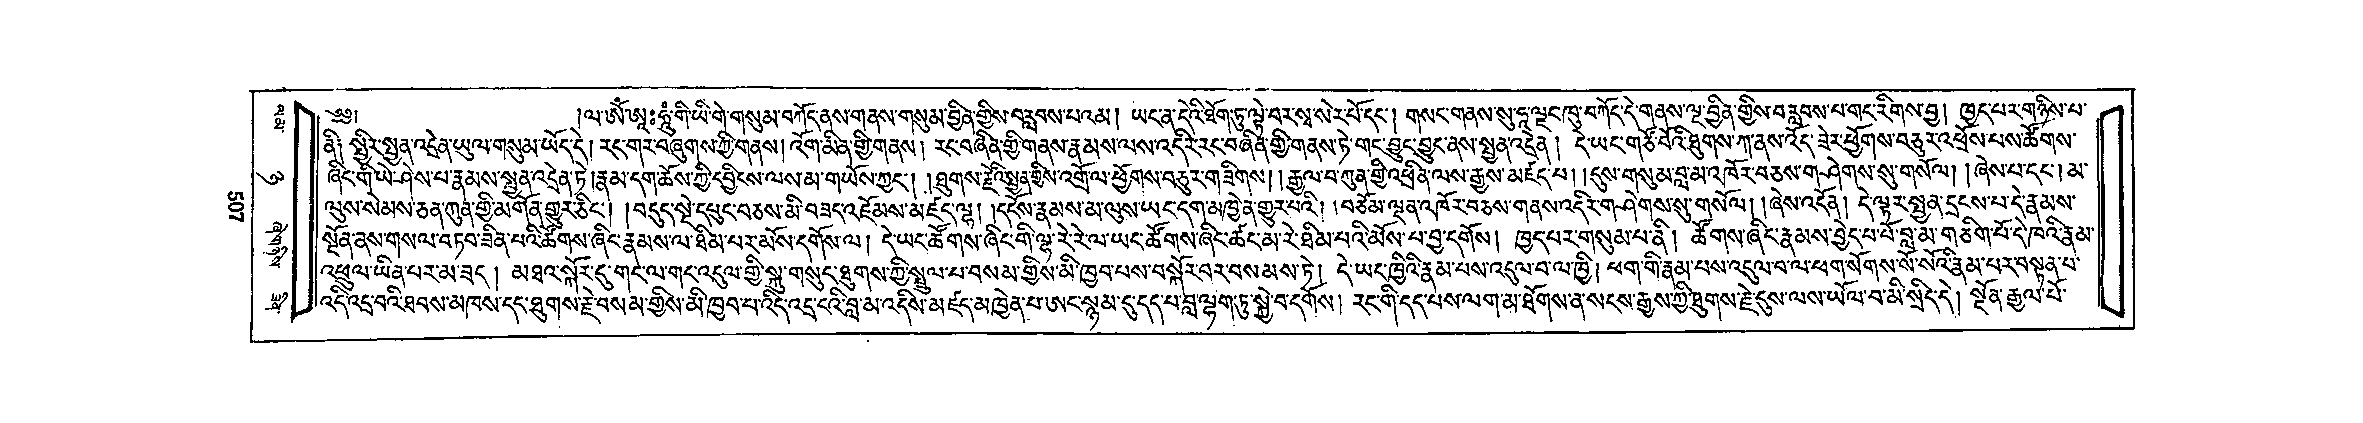༄༅། །ལ་ཨོཾ་ཨཱཿ ཧཱུཾ་གི་ཡི་གེ་གསུམ་བཀོད་ནས་གནས་གསུམ་བྱིན་གྱིས་བརླབས་པའམ། ཡང་ན་དེའི་ཐོག་ཏུ་ལྟེ་བར་སྭ་སེར་པོ་དང་། གསང་གནས་སུ་ཧཱ་ལྗང་ཁུ་བཀོད་དེ་གནས་ལྔ་བྱིན་གྱིས་བརླབས་པ་གང་རིགས་བྱ། ཁྱད་པར་གཉིས་པ་
ནི། སྤྱིར་སྤྱན་འདྲེན་ཡུལ་གསུམ་ཡོད་དེ། རང་གར་བཞུགས་ཀྱི་གནས། འོག་མིན་གྱི་གནས། རང་བཞིན་གྱི་གནས་རྣམས་ལས་འདིར་རང་བཞིན་གྱི་གནས་ཏེ་གང་བྱུང་བྱུང་ནས་སྤྱན་འདྲེན། དེ་ཡང་གཙོ་བོའི་ཐུགས་ཀ་ནས་འོད་ཟེར་ཕྱོགས་བཅུར་འཕྲོས་པས་ཚོགས་
ཞིང་གི་ཡེ་ཤེས་པ་རྣམས་སྤྱན་འདྲེན་ཏེ། རྣམ་དག་ཆོས་ཀྱི་དབྱིངས་ལས་མ་གཡོས་ཀྱང་། །ཐུགས་རྗེའི་སྤྱན་གྱིས་འགྲོ་ལ་ཕྱོགས་བཅུར་གཟིགས། །རྒྱལ་བ་ཀུན་གྱི་འཕྲིན་ལས་རྒྱས་མཛད་པ། །དུས་གསུམ་བླ་མ་འཁོར་བཅས་གཤེགས་སུ་གསོལ། །ཞེས་པ་དང་། མ་
ལུས་སེམས་ཅན་ཀུན་གྱི་མགོན་གྱུར་ཅིང་། །བདུད་སྡེ་དཔུང་བཅས་མི་བཟད་འཇོམས་མཛད་ལྷ། །དངོས་རྣམས་མ་ལུས་ཡང་དག་མཁྱེན་གྱུར་པའི། །བཅོམ་ལྡན་འཁོར་བཅས་གནས་འདིར་གཤེགས་སུ་གསོལ། །ཞེས་འདོན། དེ་ལྟར་སྤྱན་དྲངས་པ་དེ་རྣམས་
སྔོན་ནས་གསལ་བཏབ་ཟིན་པའི་ཚོགས་ཞིང་རྣམས་ལ་ཐིམ་པར་མོས་དགོས་ལ། དེ་ཡང་ཚོགས་ཞིང་གི་ལྷ་རེ་རེ་ལ་ཡང་ཚོགས་ཞིང་ཚང་མ་རེ་ཐིམ་པའི་མོས་པ་བྱ་དགོས། ཁྱད་པར་གསུམ་པ་ནི། ཚོགས་ཞིང་རྣམས་བྱེད་པ་པོ་བླ་མ་གཅིག་པོ་དེ་ཁའི་རྣམ་
འཕྲུལ་ཡིན་པར་མ་ཟད། མཐའ་སྐོར་དུ་གང་ལ་གང་འདུལ་གྱི་སྐུ་གསུང་ཐུགས་ཀྱི་སྤྲུལ་པ་བསམ་གྱིས་མི་ཁྱབ་པས་བསྐོར་བར་བསམས་ཏེ། དེ་ཡང་ཁྱིའི་རྣམ་པས་འདུལ་བ་ལ་ཁྱི། ཕག་གི་རྣམ་པས་འདུལ་བ་ལ་ཕག་སོགས་སོ་སོའི་རྣམ་པར་བསྟན་པ་
འདི་འདྲ་བའི་ཐབས་མཁས་དང་ཐུགས་རྗེ་བསམ་གྱིས་མི་ཁྱབ་པ་འདི་འདྲ་ངའི་བླ་མ་འདིས་མཛད་མཁྱེན་པ་ཨང་སྙམ་དུ་དད་པ་བླ་ལྷག་ཏུ་སྐྱེ་བ་དགོས། རང་གི་དད་པས་ལག་མ་ཐོགས་ན་སངས་རྒྱས་ཀྱི་ཐུགས་རྗེ་དུས་ལས་ཡོལ་བ་མི་སྲིད་དེ། སྔོན་རྒྱལ་པོ་